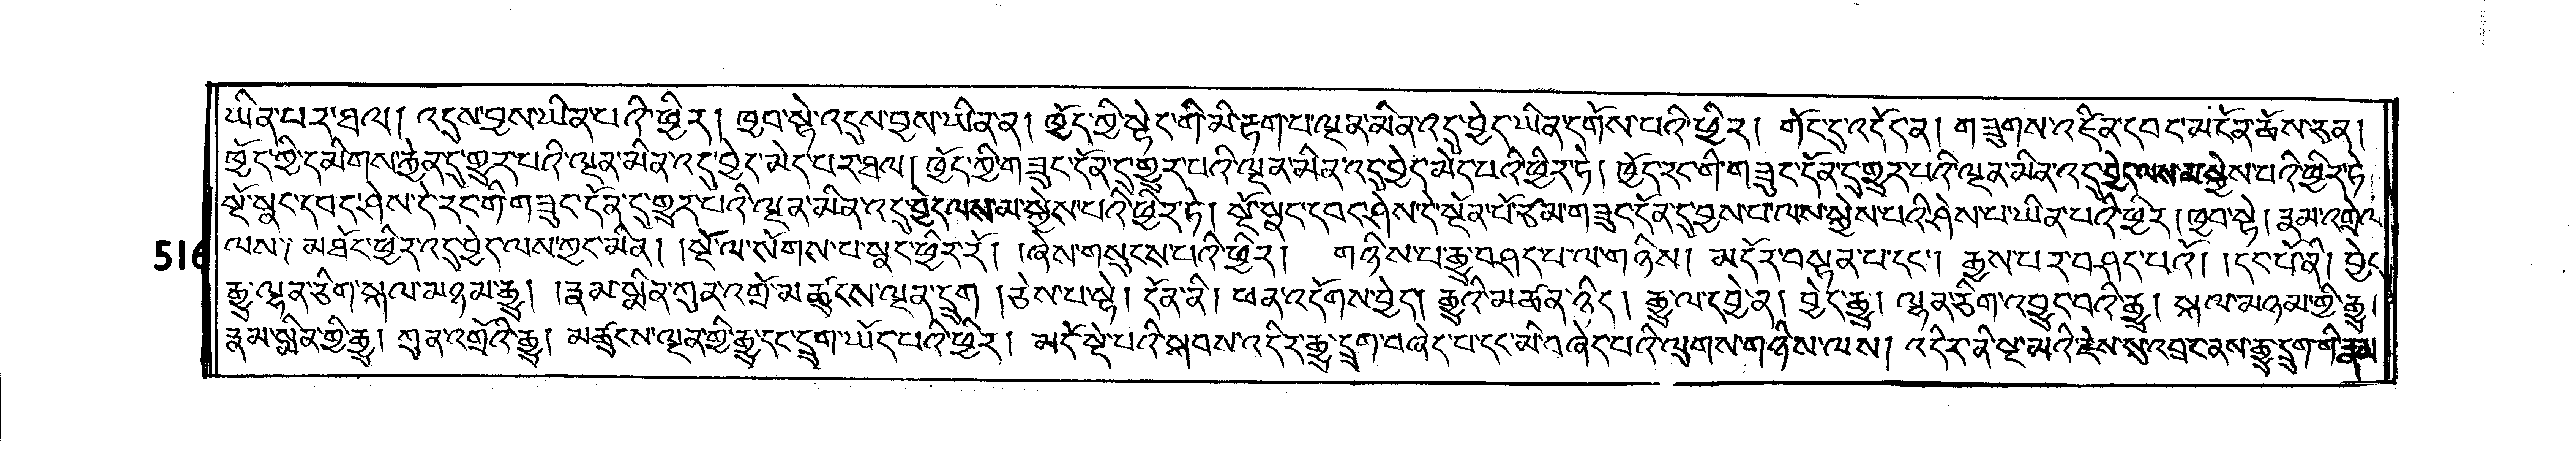ཡིན་པར་ཐལ། འདུས་བྱས་ཡིན་པའི་ཕྱིར། ཁྱབ་སྟེ་འདུས་བྱས་ཡིན་ན། ཁྱོད་ཀྱི་སྟེང་གི་མི་རྟག་པ་ལྡན་མིན་འདུ་བྱེད་ཡིན་དགོས་པའི་ཕྱིར། གོང་དུ་འདོད་ན། གཟུགས་འཛིན་དབང་མངོན་ཆོས་ཅན།
ཁྱོད་ཀྱི་དམིགས་རྐྱེན་དུ་གྱུར་པའི་ལྡན་མིན་འདུ་བྱེད་མེད་པར་ཐལ། ཁྱོད་ཀྱི་གཟུང་དོན་དུ་གྱུར་པའི་ལྡན་མིན་འདུ་བྱེད་མེད་པའི་ཕྱིར་ཏེ། ཁྱོད་རང་གི་གཟུང་དོན་དུ་གྱུར་པའི་ལྡན་མིན་འདུ་བྱེད་ལས་མ་སྐྱེས་པའི་ཕྱིར་ཏེ།
སྡོ་སྣང་དབང་ཤེས་དེ་རང་གི་གཟུང་དོན་དུ་གྱུར་པའི་ལྡན་མིན་འདུ་བྱེད་ལས་མ་སྐྱེས་པའི་ཕྱིར་ཏེ། སྡོ་སྣང་དབང་ཤེས་དེ་སྔོན་པོ་ཙམ་གཟུང་དོན་དུ་བྱས་པ་ལས་སྐྱེས་པའི་ཤེས་པ་ཡིན་པའི་ཕྱིར། ཁྱབ་སྟེ། རྣམ་འགྲེལ་
ལས༑ མཐོང་ཕྱིར་འདུ་བྱེད་ལས་ཀྱང་མིན། །སྡོ་ལ་སོགས་པ་སྣང་ཕྱིར་རོ། །ཞེས་གསུངས་པའི་ཕྱིར། གཉིས་པ་རྒྱུ་བཤད་པ་ལ་གཉིས། མདོར་བསྟན་པ་དང་། རྒྱས་པར་བཤད་པའོ། །དང་པོ་ནི། བྱེད་
རྒྱུ་ལྷན་ཅིག་སྐལ་མཉམ་རྒྱུ། །རྣམ་སྨིན་ཀུན་འགྲོ་མཚུངས་ལྡན་དྲུག །ཅེས་པ་སྟེ། དོན་ནི། ཕན་འདོགས་བྱེད། རྒྱུའི་མཚན་ཉིད། རྒྱུ་ལ་དབྱེ་ན། བྱེད་རྒྱུ། ལྷན་ཅིག་འབྱུང་བའི་རྒྱུ། སྐལ་མཉམ་གྱི་རྒྱུ།
རྣམ་སྨིན་གྱི་རྒྱུ། ཀུན་འགྲོའི་རྒྱུ། མཚུངས་ལྡན་གྱི་རྒྱུ་དང་དྲུག་ཡོད་པའི་ཕྱིར། མདོ་སྡེ་པའི་སྐབས་འདིར་རྒྱུ་དྲུག་བཞེད་པ་དང་མི་བཞེད་པའི་ལུགས་གཉིས་ལས། འདིར་ནི་སྔ་མའི་རྗེས་སུ་འབྲང་ནས་རྒྱུ་དྲུག་གི་རྣམ་